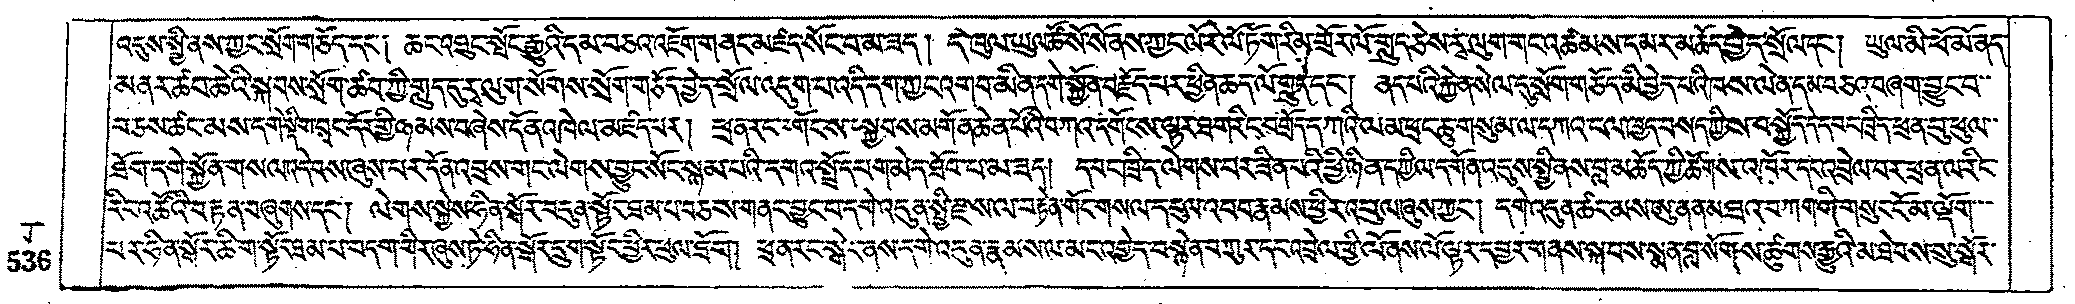འདུས་སྤྱི་ནས་ཀྱང་སྲོག་གཅོད་དང་། ཆང་འཐུང་སྤོང་རྒྱུའི་དམ་བཅའ་འཇོག་གནང་མཛད་སོང་བ་མ་ཟད། དེ་ཁུལ་ཡུལ་ཚོ་སོ་སོ་ནས་ཀྱང་ལོ་རེ་ལོ་ཏོག་རིམ་གྲོར་ལོ་གླུད་ཅེས་རྭ་ལུག་གང་འཚམས་དམར་མཆོད་བྱེད་སྲོལ་དང་། ཡུལ་མི་ཕོ་མོ་ནད་
མནར་ཚབ་ཆེའི་སྐབས་སྲོག་ཚབ་ཀྱི་གླུད་དུ་རྭ་ལུག་སོགས་སྲོག་གཅོད་བྱེད་སྲོལ་འདུག་པ་འདི་དག་ཀྱང་འགབ་མིན་དགེ་སྐྱོན་བརྗོད་པར་ཕྱིན་ཆད་ལོ་གླུད་དང་། ནད་པའི་རྐྱེན་སེལ་དུ་སྲོག་གཅོད་མི་བྱེད་པའི་ཁས་ལེན་དམ་བཅའ་བཞག་བྱུང་བ་་་
བཅས་ཚང་མས་དགེ་སྡིག་བླང་དོར་གྱི་ཉམས་བཞེས་དོན་འཁེལ་མཛད་པར། ཕྲན་རང ༧གོང་ས ༧སྐྱབས་མགོན་ཆེན་པོའི་བཀའ་དགོངས་ལྟར་ཐག་རིང་བགྲོད་དཀའི་ལམ་ཕྲང་ཆུ་གསུམ་ལ་དཀའ་ངལ་ཁྱད་བསད་ཀྱིས་བསྐྱོད་དེ་དབང་ཁྲིད་ཕྲན་བུ་ཕུལ་་་
ཐོག་དགེ་སྐྱོན་གསལ་འདེབས་ཞུས་པར་དོན་འབྲས་གང་ལེགས་བྱུང་སོང་སྙམ་པའི་དགའ་སྤྲོ་དཔག་མེད་ཐོབ་པ་མ་ཟད། དབང་ཁྲིད་ལེགས་པར་ཟིན་པའི་ཕྱི་ཉིན་དཀྱིལ་དགོན་འདུས་སྤྱི་ནས་བླ་མཆོད་ཀྱི་ཚོགས་འཁོར་དང་འབྲེལ་བར་ཕྲན་ལ་རིང་
རིང་འཚོའི་བརྟན་བཞུགས་དང་། ལེགས་སྐྱེས་ཧིན་སྒོར་བདུན་སྟོང་ཐམ་པ་བཅས་གནང་བྱུང་བ་དགེ་འདུན་སྤྱི་རྫས་ལ་བརྟེན་གོང་གསལ་དངུལ་འབབ་རྣམས་ཕྱིར་འབུལ་ཞུས་ཀྱང་། དགེ་འདུན་ཚང་མས་ཨུ་ནན་མཐའ་བཀག་གི་གསུང་ངོ་མ་ལྡོག་་་
པར་ཧིན་སྒོར་ཆིག་སྟོང་ཐམ་པ་བདག་གིར་ཞུས་ཏེ་ཧིན་སྒོར་དྲུག་སྟོང་ཕྱིར་ཕུལ་ཐོག །ཕྲན་རང་སྒེར་ནས་དགེ་འདུན་རྣམས་ལ་མང་འགྱེད་བསྙེན་བཀུར་དང་འབྲེལ་ཕྱི་ལོ་ནས་ལོ་ལྟར་དབྱར་གནས་སྐབས་སྨན་བླ་སོགས་ཚུགས་རྒྱུའི་མ་ཐེབས་སུ་སྒོར་